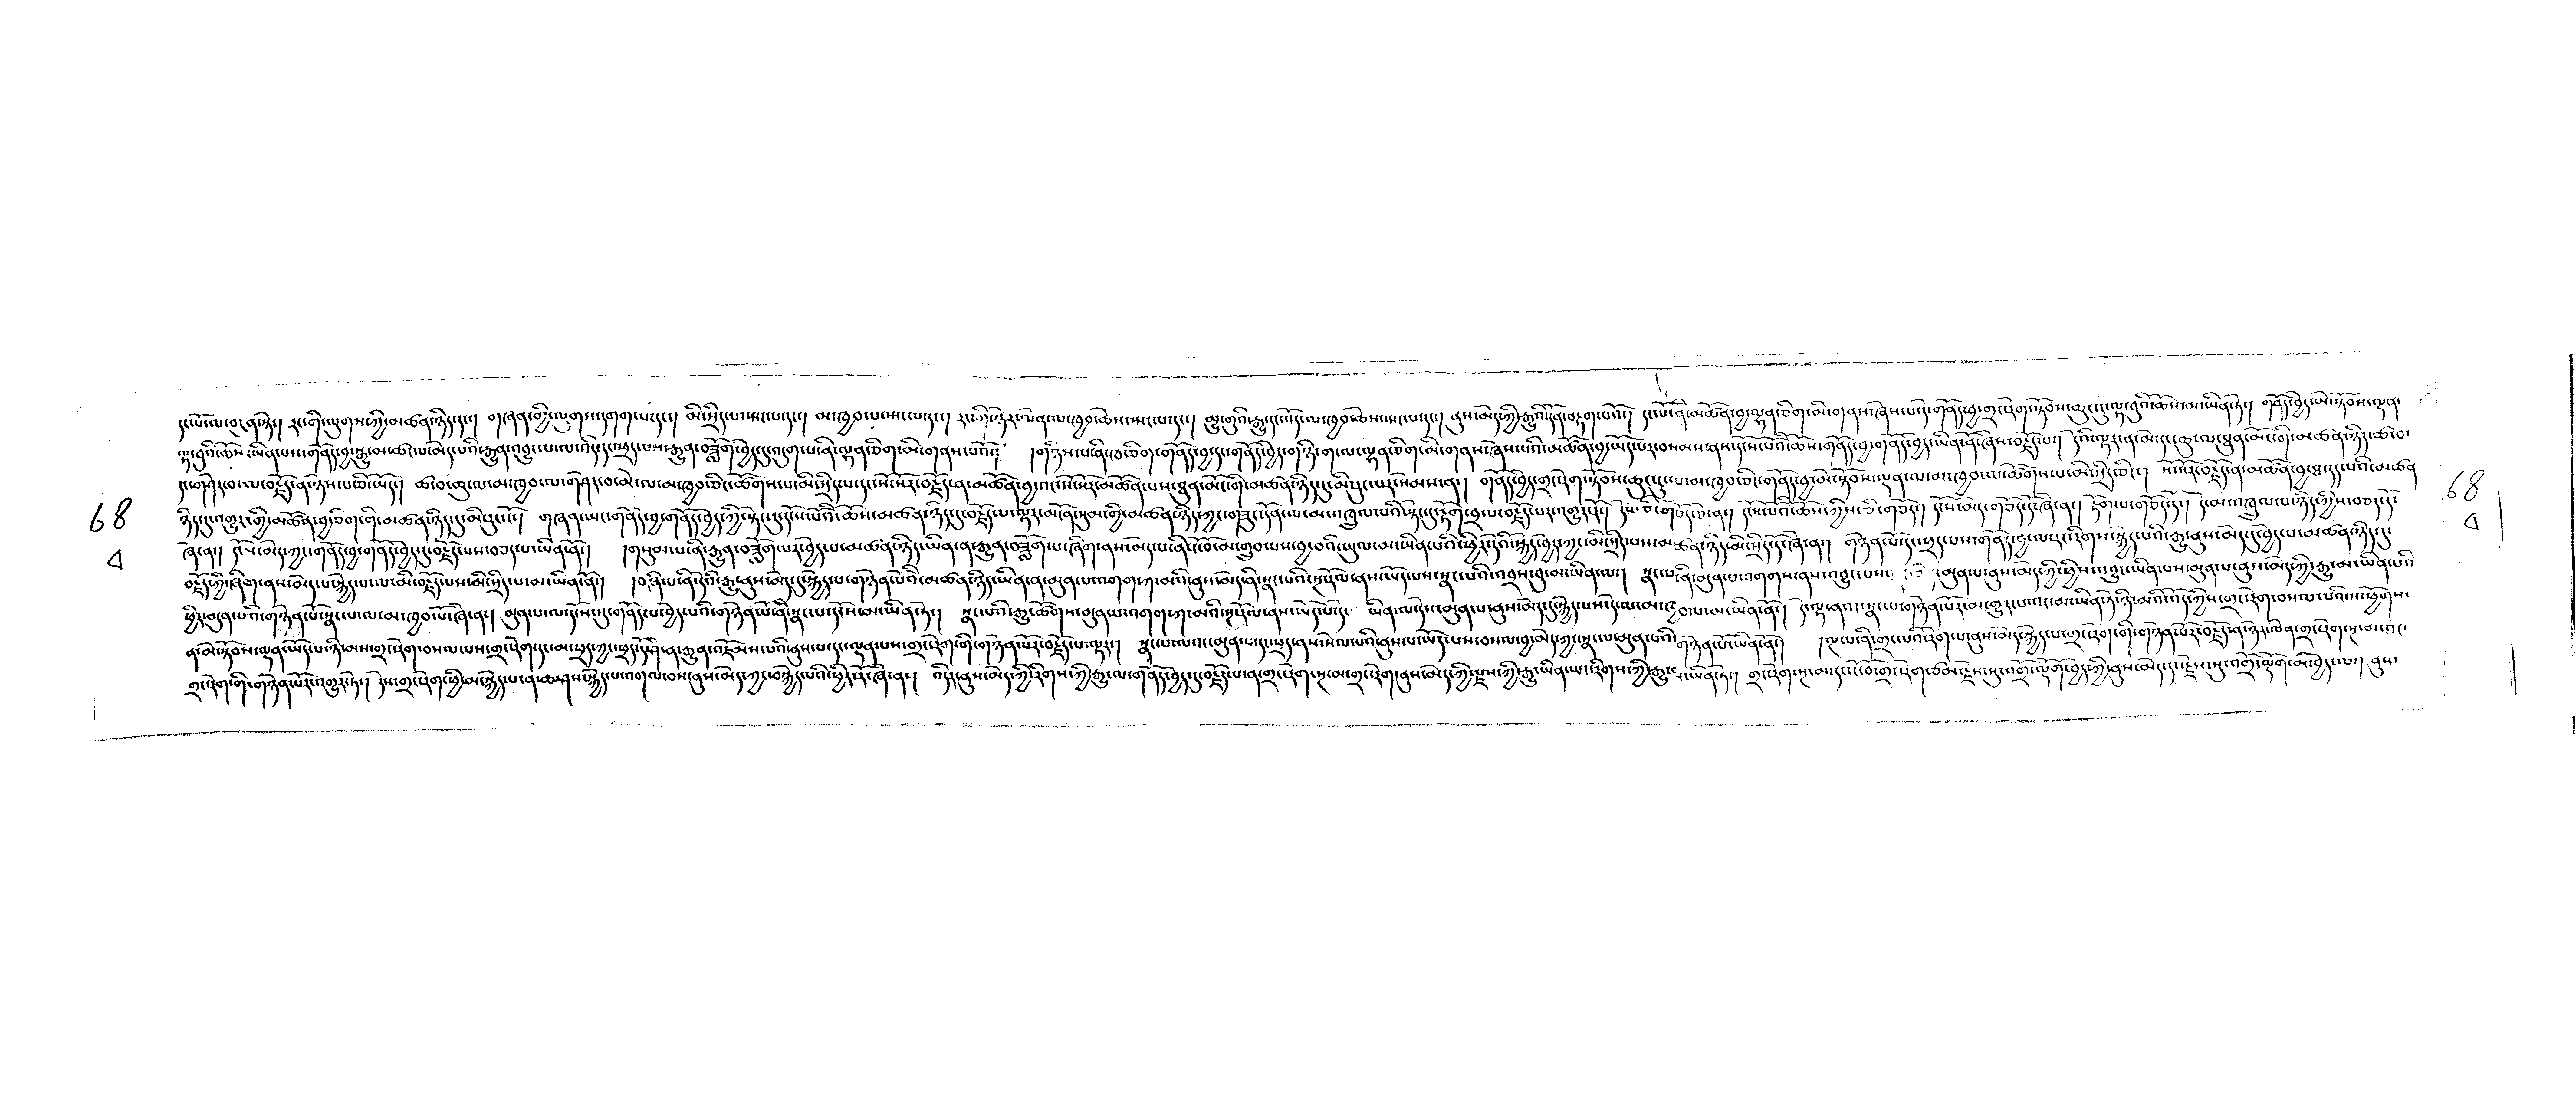དང་པོ་ལ་བདུན་སྟེ། རང་གི་ལུགས་ཀྱི་མཚན་ཉིད་དང་། གཞན་གྱི་ལུགས་དགག་པ་དང་། མི་སྲིད་པ་སྤང་པ་དང་། མ་ཁྱབ་པ་སྤང་པ་དང་། རང་གི་ཉེར་ལེན་ལ་ཁྱབ་ཆེས་སྤང་པ་དང་། མྱུ་གུའི་རྒྱུ་དང་འོད་ལ་ཁྱབ་ཆེས་སྤང་པ་དང་། ནུས་མེད་ཀྱི་རྒྱུའི་དོན་བརྟག་པའོ། དང་པོ་ནི་མཚོན་བྱ་ལྷན་ཅིག་མི་གནས་ཞེས་པ་དེ་གནོད་བྱ་གྲང་རེག་སྟོབས་ཆུང་ངུ་ལྟ་བུའི་ཆོས་མ་ཡིན་ཏེ། གནོད་བྱེད་མེ་སྟོབས་ལྡན་
ལྟ་བུའི་ཆོས་ཡིན་པས་གནོད་བྱ་སྒྱུ་མ་ཚང་པ་མེད་པའི་རྒྱུན་འབྱུང་པ་ལ་འདི་དང་ཕྲད་པས་རྒྱུན་བཟློག་བྱེད་དུ་འདུག་པ་ནི་ལྷན་ཅིག་མི་གནས་པའོ། །གཉིས་པ་ནི་ཁ་ཅིག་གནོད་བྱ་དང་གནོད་བྱེད་གཉི་ག་ལ་ལྷན་ཅིག་མི་གནས་ཞེས་པའི་མཚོན་བྱ་ཡོད་པར་བསམས་ནས་དངོས་པོའི་ཆོས་གནོད་བྱ་གནོད་བྱེད་ཡིན་ནོ་ཞེས་བརྗོད་པ། དེའི་ལྟར་ན་མེ་དང་ཆུ་ལ་ཐུན་མོང་གི་མཚན་ཉིད་ཚ་བ་
དང་གཤེར་བ་ལ་བརྗོད་ན་ཉེས་པ་ཅི་ཡོད། ཚ་བ་ཆུ་ལ་མ་ཁྱབ་ལ་གཤེར་བ་མེ་ལ་མ་ཁྱབ་ཅིང་ཚོགས་པ་མི་སྲིད་པ་དང་སོ་སོར་བརྗོད་ན་མཚོན་བྱ་འང་སོ་སོར་མཚོན་པས་ཐུན་མོང་གི་མཚན་ཉིད་དུ་མི་རུང་པར་སེམས་ན། གནོད་བྱེད་གྲང་རེག་སྟོབས་ཆུང་ངུ་ལ་མ་ཁྱབ་ཅིང་གནོད་བྱ་མེ་སྟོབས་ལྡན་ལ་མ་ཁྱབ་ལ་ཚོགས་པ་མི་སྲིད་ཅིང་། སོ་སོར་བརྗོད་ན་མཚོན་བྱ་ཐ་དད་པའི་མཚན་
ཉིད་དུ་འགྱུར་གྱི་མཚོན་བྱ་ཅིག་གི་མཚན་ཉིད་དུ་མི་རུང་ངོ། གཞན་ཡང་གནོད་བྱ་གནོད་བྱེད་ཀྱི་སྟེང་དུ་དངོས་པོའི་ཆོས་མཚན་ཉིད་དུ་བརྗོད་པ་ལྟར་མངོན་སུམ་གྱི་མཚན་ཉིད་ཀྱང་གཟུང་དོན་ལ་མ་འཁྲུལ་པའི་སྟེང་དུ་རྟོག་བྲལ་བརྗོད་པར་འགྱུར་རོ། དེས་ཅི་གཅོད་ཅེ་ན། དངོས་པོའི་ཆོས་ཀྱིས་ཅི་གཅོད། དངོས་མེད་གཅོད་དོ་ཞེ་ན། རྟོག་པ་གཅོད་དོ། དེ་མ་འཁྲུལ་པ་ཉིད་ཀྱིས་བཅད་དོ་
ཞེ་ན། དངོས་མེད་ཀྱང་གནོད་བྱ་གནོད་བྱེད་དུ་བརྗོད་པས་བཅད་པ་ཡིན་ནོ། །གསུམ་པ་ནི་རྒྱུན་བཟློག་པར་བྱེད་པ་མཚན་ཉིད་ཡིན་ན་རྒྱུན་བཟློག་པ་ཞིག་ནས་མེད་པ་ནི་ངོ་བོ་མ་གྲུབ་པས་བྱ་བའི་ཡུལ་མ་ཡིན་པའི་ཕྱིར་དེའི་སྐྱེད་བྱེད་ཀྱང་མི་སྲིད་པས་མཚན་ཉིད་མི་སྲིད་དོ་ཞེ་ན། གཉེན་པོ་དང་ཕྲད་པས་གནོད་བྱ་ལ་རང་རིགས་སྐྱེད་པའི་རྒྱུ་ནུས་མེད་དུ་བྱེད་པ་མཚན་ཉིད་དུ་
བརྗོད་ཀྱི་ཞིག་ནས་མེད་པ་སྐྱེད་པ་ལ་མི་བརྗོད་པས་མི་སྲིད་པ་མ་ཡིན་ནོ། །བཞི་པ་ནི་དེའི་རྒྱུ་ནུས་མེད་དུ་སྐྱེད་པ་གཉེན་པོའི་མཚན་ཉིད་ཡིན་ན་མུན་པ་འགག་ཀ་མའི་ནུས་མེད་ནི་སྣང་པའི་སྔ་རོལ་ནས་ཡོད་པས་སྣང་པའི་འབྲས་བུ་མ་ཡིན་ལ། སྣང་པ་ནི་མུན་པ་འགགས་ནས་འབྱུང་པས་?་མུན་པ་ནུས་མེད་ཀྱི་ཕྱིས་འབྱུང་ཡིན་པས་མུན་པ་ནུས་མེད་ཀྱི་རྒྱུ་མ་ཡིན་པའི་
ཕྱིར་མུན་པའི་གཉེན་པོ་སྣང་པ་ལ་མ་ཁྱབ་པོ་ཞེ་ན། མུན་པ་ལ་དངོས་སུ་གནོད་པ་བྱེད་པའི་གཉེན་པོ་ནི་སྣང་པ་དངོས་མ་ཡིན་ཏེ། སྣང་པའི་རྒྱུ་ཚོགས་མུན་པ་འགག་ཀ་མའི་སྔ་རོལ་ནས་ཡོད་པ་དེ་ཡིན་ལ་དེས་མུན་པ་ནུས་མེད་དུ་སྐྱེད་པས་དེ་མ་མ་ཁྱབ་པ་མ་ཡིན་ནོ། དེ་ལྟ་ནའང་སྣང་པ་གཉེན་པོར་མ་གྱུར་པ་འང་མ་ཡིན་ཏེ་ཉི་མའི་འོད་ཀྱིས་གྲང་རེག་བསལ་པའི་ས་ཕྱོགས་
ན་མེ་སྟོབས་ལྡན་ཡོད་པ་ཉི་མས་གྲང་རེག་བསལ་པས་གྲང་རེག་དང་མ་ཕྲད་ཀྱང་ཕྲད་དོ་ཤེ་ན་རྒྱུན་འཇོམས་པའི་ནུས་པ་དང་ལྡན་པས་གྲང་རེག་གི་གཉེན་པོར་བརྗོད་པ་ལྟར། སྣང་པ་ལའང་མུན་པ་དང་ཕྲད་ནས་སེལ་པའི་ནུས་པ་ཡོད་པས་བསལ་བྱ་མེད་ཀྱང་སྣང་པ་མུན་པའི་གཉེན་པོ་ཡིན་ནོ། །ལྔ་པ་ནི་གྲང་པའི་རེག་པ་ནུས་མེད་སྐྱེད་པ་གྲང་རེག་གི་གཉེན་པོར་བརྗོད་ན་ཉེར་ལེན་གྲང་རེག་སྔ་མ་འང་
གྲང་རེག་གི་གཉེན་པོར་འགྱུར་ཏེ། དེས་གྲང་རེག་ཕྱི་མ་སྐྱེད་པ་ན་ཆ་ཤས་སྐྱེད་པ་འགལ་བས་ནུས་མེད་ཀྱང་བསྐྱེད་པའི་ཕྱིར་རོ་ཞེ་ན། འདིར་ནུས་མེད་ཀྱི་རིགས་ཀྱི་རྒྱུ་ལ་གནོད་བྱེད་དུ་བརྗོད་པ་ན་གྲང་རེག་སྔ་མ་གྲང་རེག་ནུས་མེད་ཀྱི་རྫས་ཀྱི་རྒྱུ་ཡིན་ཡང་རིགས་ཀྱི་རྒྱུ་མ་ཡིན་ཏེ། གྲང་རེག་སྔ་མ་དང་ངོ་བོ་གྲང་རེག་ཙམ་རྗེས་སུ་འགྲོ་ལྡོག་བྱེད་ཀྱི་ནུས་མེད་དང་རྗེས་སུ་འགྲོ་ལྡོག་མ་བྱེད་ལ། ནུས་